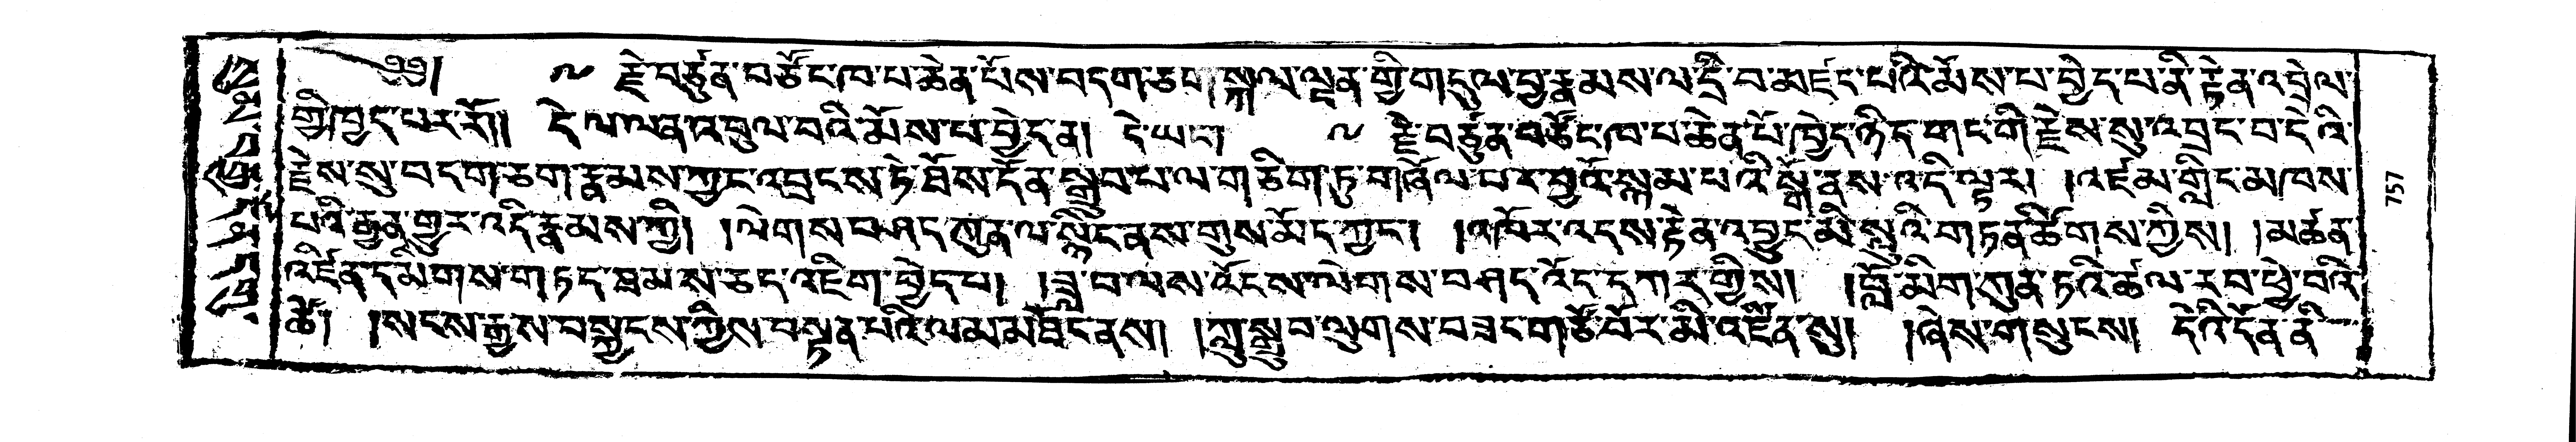༄༅། །༧རྗེ་བཙུན་བཙོང་ཁ་པ་ཆེན་པོས་བདག་ཅག་སྐལ་ལྡན་གྱི་གདུལ་བྱ་རྣམས་ལ་དྲི་བ་མཛད་པའི་མོས་པ་བྱེད་པ་ནི་རྟེན་འབྲེལ་
གྱི་ཁྱད་པར་རོ།། དེ་ལ་ལན་འབུལ་བའི་མོས་པ་བྱེད་ན། དེ་ཡང་། ༧རྗེ་བཙུན་བཙོང་ཁ་པ་ཆེན་པོ་ཁྱེད་ཉིད་གང་གི་རྗེས་སུ་འབྲང་བ་དེའི་
རྗེས་སུ་བདག་ཅག་རྣམས་ཀྱང་འབྲངས་ཏེ་ཐོས་དོན་སྒྲུབ་པ་ལ་གཅིག་ཏུ་གཞོལ་བར་བྱའོ་སྙམ་པའི་སྒོ་ནས་འདི་ལྟར། །འཛམ་གླིང་མཁས་
པའི་རྒྱན་གྱུར་འདི་རྣམས་ཀྱི། །ལེགས་བཤད་ཀུན་ལ་སྙིང་ནས་གུས་མོད་ཀྱང་། །འཁོར་འདས་རྟེན་འབྱུང་མི་སླུའི་གཏན་ཚིགས་ཀྱིས། །མཚན་
འཛིན་དམིགས་གཏད་ཐམས་ཅད་འཇིག་བྱེད་པ། །ཟླ་བ་ལས་འོངས་ལེགས་བཤད་འོད་དཀར་གྱིས། །བློ་མིག་ཀུན་ཏའི་ཚལ་རབ་ཕྱེ་བའི་
ཚེ། །སངས་རྒྱས་བསྐྱངས་ཀྱིས་བསྟན་པའི་ལམ་མཐོང་ནས། །ཀླུ་སྒྲུབ་ལུགས་བཟང་གཙོ་བོར་མི་འཛིན་སུ། །ཞེས་གསུངས། དེའི་དོན་ནི་